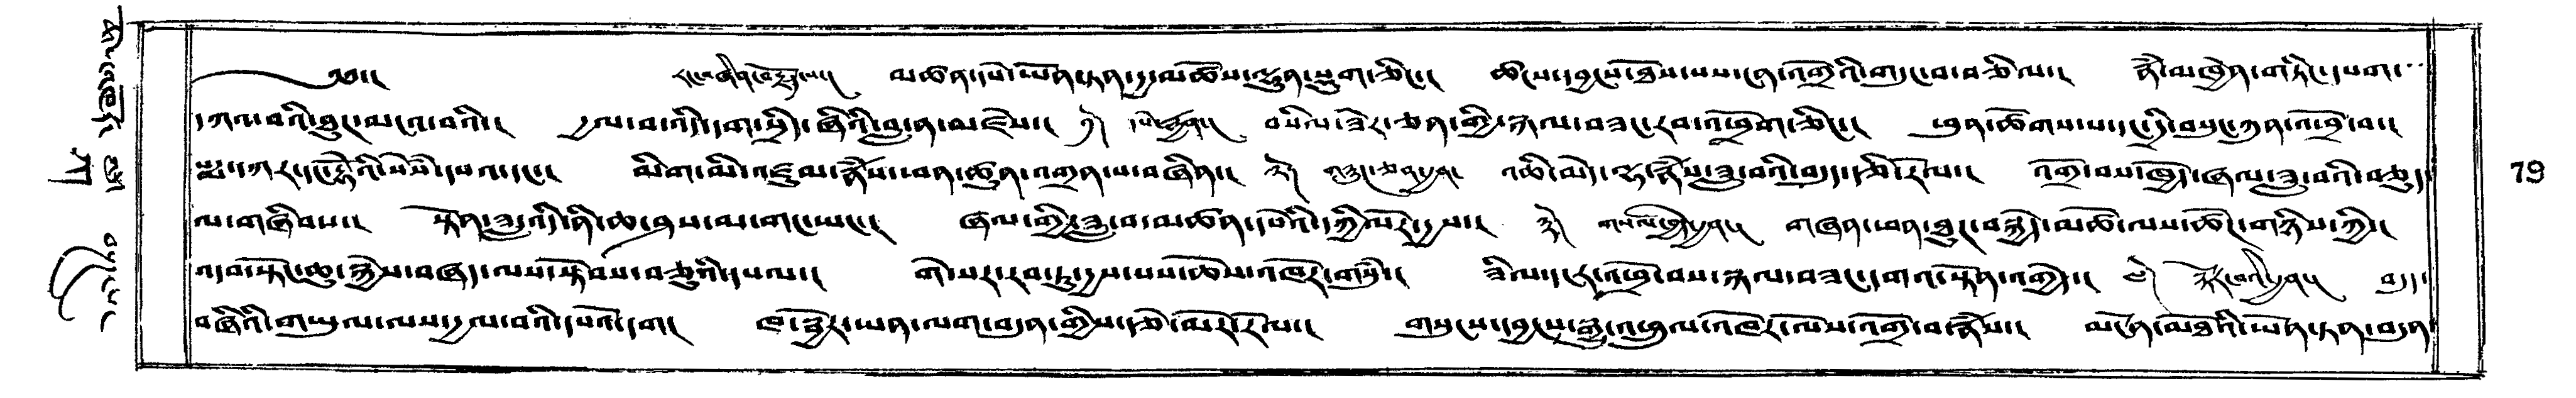རང་བཞིན་བརྗོད་པ། མཚན་དཔེ་ཡོན་ཏན་རྒྱ་མཚོས་ལྷུན་སྡུག་ཅིང་། །ཚངས་དབྱངས་ཐོས་པས་ངན་འགྲོའི་གདུང་བ་བཅིལ། །རྣམ་མཁྱེན་གཏིང་དཔག་
དཀའ་བའི་ཐུགས་མངའ་བའི། །རྒྱལ་བ་འདི་དག་སྲིད་ཞིའི་བླ་ན་མཛེས། ། ༡༽ དཔེ་རྒྱན། བསིལ་ཟེར་ཅན་གྱི་སྐལ་བཟང་རབ་འཕྲོག་ཅིང་། །ཕུན་ཚོགས་པ་དང་དྲི་བསུང་ཀུན་འཕྲོ་བ། །
པདྨ་ཀར་དང་རྡོ་རྗེའི་སེམས་དཔའ་དང་། །མིག་མི་འཛུམ་རྣམས་ཕན་ཚུན་འགྲན་པ་བཞིན། ། ༢༽ གཟུགས་ཅན་རྒྱན། འཆི་མེད་ལྷ་རྣམས་ཟླ་བའི་བདུད་རྩིར་རོལ། །འགྲོ་བས་ཁྱོད་ཞལ་ཟླ་བའི་བཅུད་
ལ་གཞིབས། །སྟོན་ཟླ་འདི་ནི་ཆ་ཤས་མ་གང་ཡང་། །ཞལ་གྱི་ཟླ་བ་མཚན་དཔེའི་དཀྱིལ་འཁོར་རྒྱས། ༣༽ གསལ་བྱེད་རྒྱན། གཞན་ཕན་ཐུགས་བསྐྱེད་མཚོ་ལས་ཚོགས་གཉིས་ཀྱི། །
འདབ་སྟོང་ཆུ་སྐྱེས་བཞད་ལས་སྟོབས་བཅུའི་དཔལ། །གེ་སར་རབ་ཏུ་རྒྱས་པས་ཆོས་འཁོར་གསུམ། །ཟིལ་དངར་འཕྲོ་བས་སྐལ་བཟང་དགའ་སྟོན་འགྱེད། ། ༤༽ སྐོར་བའི་རྒྱན། བདུད་
བཞིའི་གཡུལ་ལས་རྒྱལ་བའི་དཔའ་བོ་དག ། ཁ་སྦྱོར་ཡན་ལག་བདུན་གྱིས་རྩེ་མོར་རོལ། །གསུང་དབྱངས་སྒྱུ་འཕྲུལ་འཁོར་ལོས་འགྲོ་བ་རྣམས། །མངོན་མཐོའི་ཡོན་ཏན་བདུན་